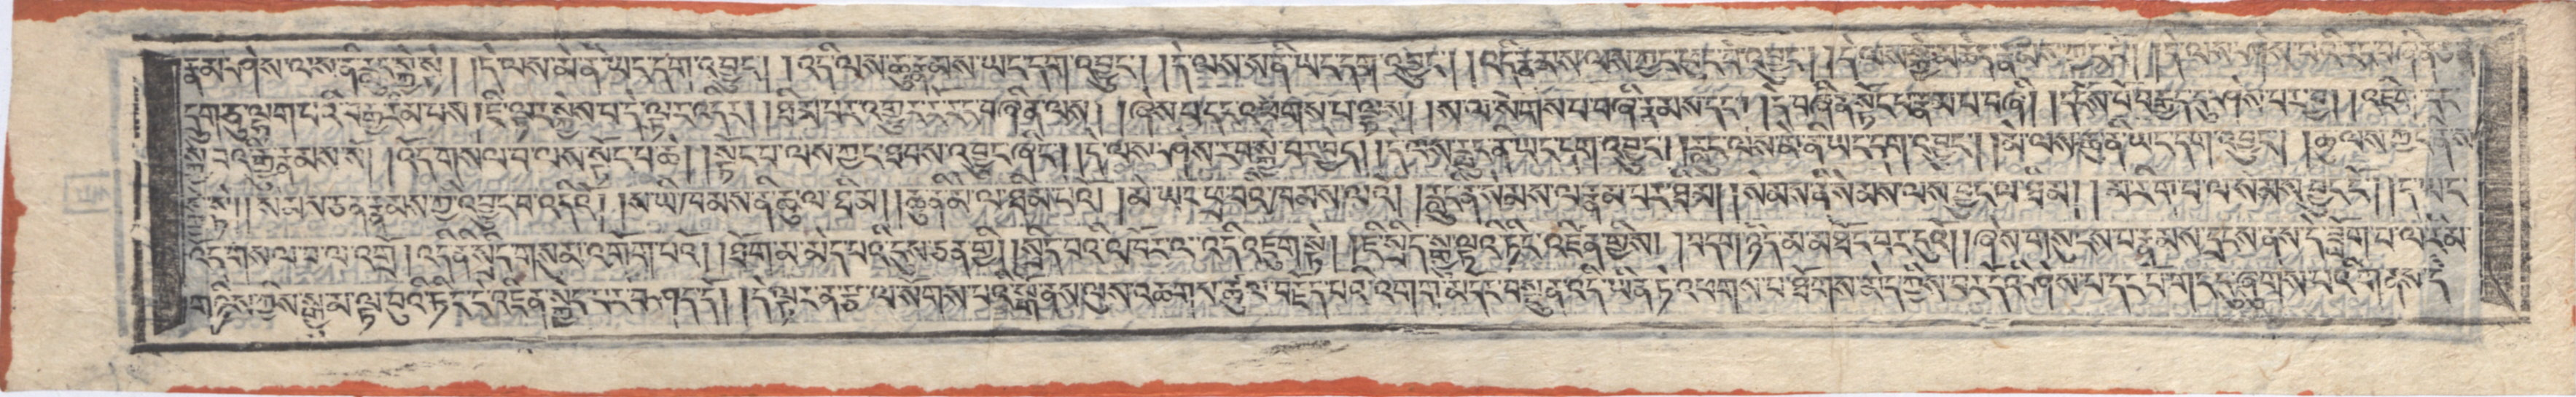རྣམ་ཤེས་ལས་ནི་རླུང་སྐྱེ་སྟེ། །དེ་ལས་མེ་ནི་ཡང་དག་འབྱུང་། །འདི་ལས་ཆུ་རྣམས་ཡང་དག་འབྱུང་། །དེ་ལས་ས་ནི་ཡང་དག་འབྱུང་། །འདི་རྣམས་ལས་ཀྱང་ཕུང་པོ་འབྱུང་། །དེ་ལས་སྐྱེ་མཆེད་རྣམས་ཀྱང་ངོ། །དེ་ལས་ཤེས་པའི་རང་བཞིན་ཅན་
དྲུག་ཅུ་ལྷག་པའི་བརྒྱ་རིམ་པས། ཇི་ལྟར་སྐྱེས་པ་དེ་ལྟར་འདིར། །ཐིམ་པར་འགྱུར་རོ་རང་བཞིན་ལས། །ཞེས་པ་དང་འཕགས་པ་ལྷས། །ས་ལ་སོགས་པ་བཞི་རྣམས་དང་། །དེ་བཞིན་སྟོང་པ་རྣམ་པ་བཞི། །དངོས་པོ་བརྒྱད་དུ་ཤེས་པར་བྱ། །འཇིག་དང་
སྐྱེ་བའི་རྒྱུ་རྣམས་སོ། །འོད་གསལ་བ་ལས་སྟོང་པ་ཆེ། །སྟོང་པ་ལས་ཀྱང་ཐབས་འབྱུང་ཞིང་། །དེ་ལས་ཤེས་རབ་སྐྱེ་བར་བྱེད། །དེ་ལས་རླུང་ནི་ཡང་དག་འབྱུང་། །རླུང་ལས་མེ་ནི་ཡང་དག་འབྱུང་། །མེ་ལས་ཆུ་ནི་ཡང་དག་འབྱུང་། །ཆུ་ལས་ཀྱང་ནི་ས་
སྐྱེ་སྟེ། །སེམས་ཅན་རྣམས་ཀྱི་འབྱུང་བ་འདིའོ། །ས་ཡི་ཁམས་ནི་ཆུ་ལ་ཐིམ། །ཆུ་ནི་མེ་ལ་ཐིམ་པའོ། །མེ་ཡང་ཕྲ་བའི་ཁམས་ལའོ། །རླུང་ནི་སེམས་ལ་རྣམ་པར་ཐིམ། །སེམས་ནི་སེམས་ལས་བྱུང་ལ་ཐིམ། །མ་རིག་པ་ལ་སེམས་བྱུང་ངོ། །དེ་ཡང་
འོད་གསལ་བ་ལ་འགྲོ་།འདི་ནི་སྲིད་གསུམ་འགོག་པའོ། །ཐོག་མ་མེད་པའི་དུས་ཅན་གྱི། །སྲིད་པའི་འཁོར་ལ་འདི་འཇུག་སྟེ། །ཇི་སྲིད་སྒྱུ་ལྟའི་ཏིང་འཛིན་གྱིས། །བདག་ཉིད་མ་མཐོང་བར་དུའོ། །ཞེས་གསུངས་པ་རྣམས་དྲངས་ནས་དེ་ཟློག་པ་ལ་རིམ་
གཉིས་ཀྱིས་སྒྱུ་མ་ལྟ་བུའི་ཏིང་ངེ་འཛིན་སྐྱེད་པར་བཤད་དོ། །དེ་ལྟར་ན་རྩ་ལ་སོགས་པའི་སྒོ་ནས་ལུས་འཆགས་ཚུལ་བརྗོད་པའི་འགག་མདོར་བསྡུ་ན་འདི་ཡིན་ཏེ་འཕགས་པ་ཐོགས་མེད་ཀྱིས་བར་དོའི་ཤེས་པ་དང་པོ་གང་དུ་ཞུགས་པའི་གནས་དེ་